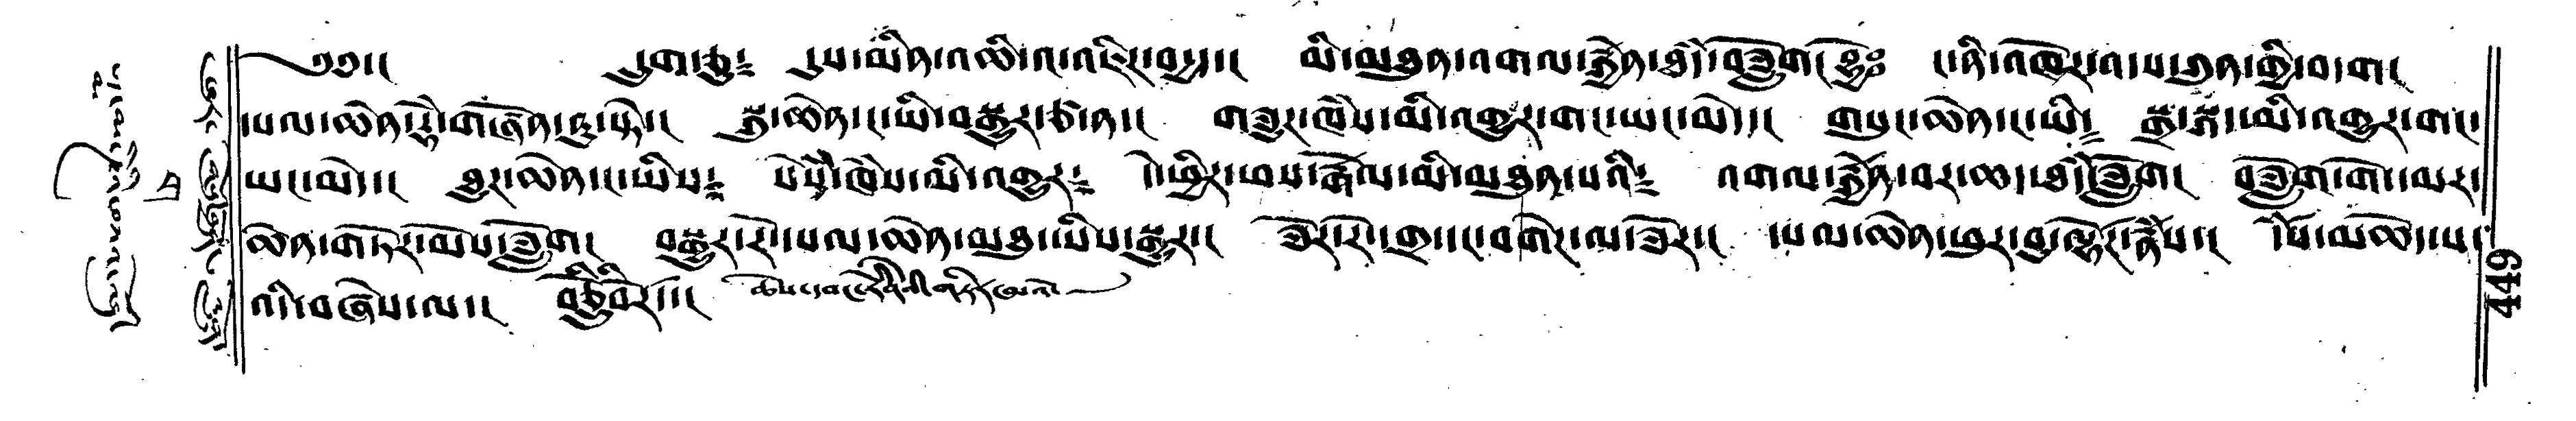དྲུག་ཅུ༴ དུས་མིན་འཆི་བ་འཇིགས་བརྒྱད༴ མི་མཐུན་འགལ་རྐྱེན་ཐམས་ཅད་བཟློག བྷྱོཿ ང་ནི་འཁོར་འདས་ཀུན་གྱི་བདག 
དཔལ་ཆེན་རྡོ་རྗེ་གཞོན་ནུ་སྟེ། སྐུ་ཆེན་ང་ཡི་བསྒྱུར་ཙ་ན། གཟུགས་ཁམས་མི་འགྱུར་གང་ཡང་མེད། གསུང་ཆེན་ང་ཡི༴ སྒྲ་སྐད་མི་འགྱུར་གང་
ཡང་མེད། ཐུགས་ཆེན་ང་ཡིས༴ སེམས་ཁམས་མི་འགྱུར༴ དེ་ཕྱིར་ཕས་རྒོལ་མི་མཐུན་པའི༴ འགལ་རྐྱེན་བར་ཆད་ཐམས་ཅད་ཟློག །བཟློག་གོ་དམར་
ཆེན་གཏོར་མོས་ཟློག །བསྒྱུར་རོ་དཔལ་ཆེན་མཐུ་ཡིས་སྒྱུར། །ཟོར་རོ་དགྲ་དང་བགེགས་ལ་ཟོར། །དཔལ་ཆེན་ཕུར་བུའི་ལྷ་ཚོགས་རྣམས། །དམ་རྫས་མཆོད་པ་
འདི་བཞེས་ལ། །བཅོལ་པའི་ཕྲིན་ལས་འགྲུབ་པར་མཛོད། ཆོས་དབང་རིན་པོ་ཆེའི་གཏེར་མའོ།། །།